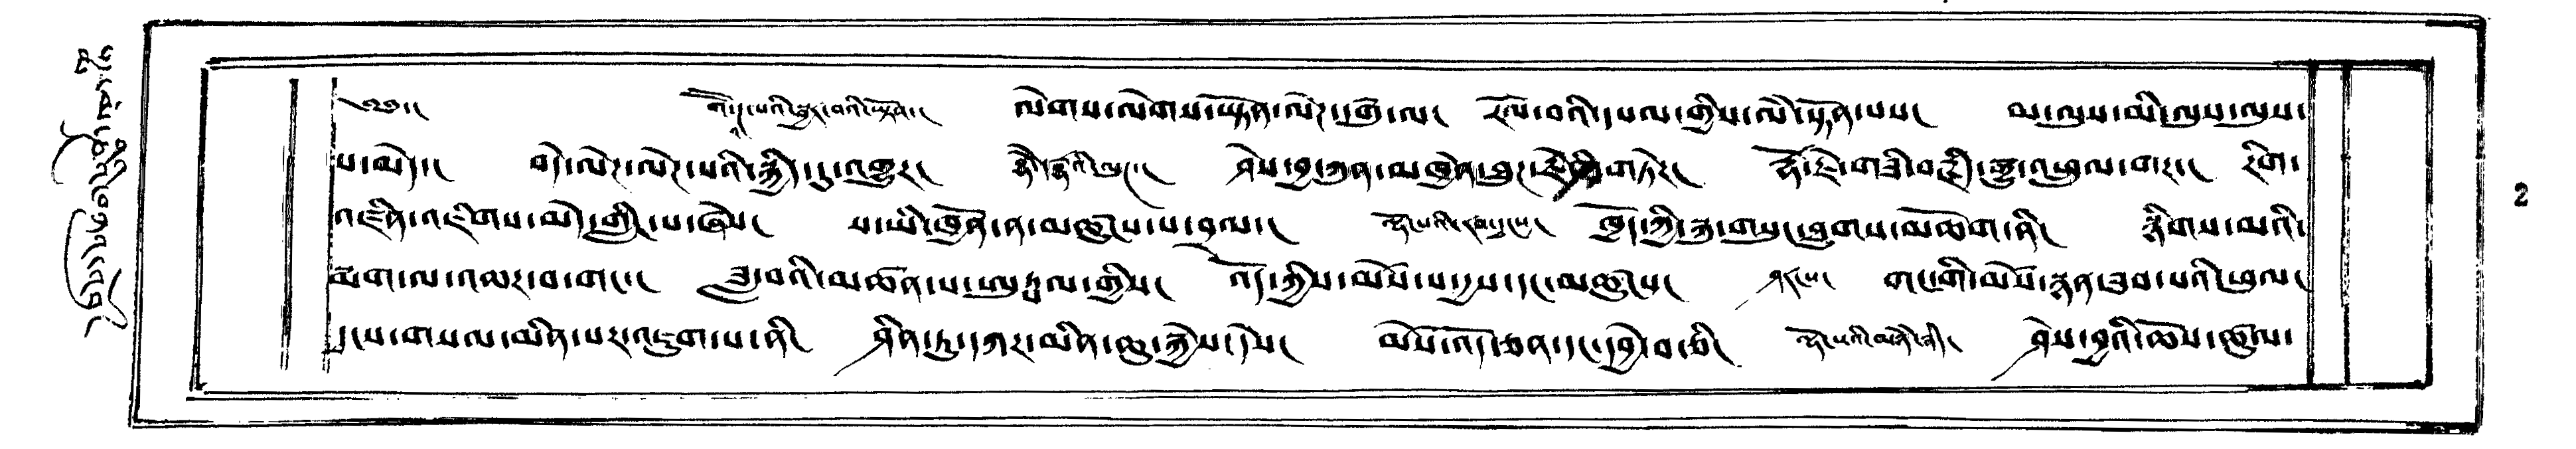གཽ་ཌཱ་པའི་སྦྱར་བའི་ཡོན་ཏན། ལེགས་ལེགས་ཡོན་ཏན་ལེགས་དགུ་ལ། །རོལ་བའི་དཔལ་གྱིས་ལམ་སྟོན་པས། །མ་ལུས་མི་ལུས་ལུས་
པ་མེད། །བདེ་ལེགས་ལེགས་པའི་དཔྱིད་དུ་གྱུར། ། བྷཻ་དརྦྷའི་ལུགས། ཤེས་བྱ་ཀུན་མཁྱེན་ཐུགས་རྗེའི་གཏེར། །རྡོ་རྗེ་གཟི་བརྗིད་སྒྱུ་འཕྲུལ་གར། །རིག་
འཛིན་འཇིགས་མེད་གླིང་པ་ཞེས། །ས་ཡི་ཁྱོན་ན་མཚུངས་པ་བྲལ། ། ལྷོ་པའི་རབ་དྭངས། ཁྱོད་ཀྱི་སྐུ་གསུང་ཐུགས་མཆོག་ནི། །སྙིགས་མའི་
སྨག་ལ་འཆར་བ་གང་། །ཟླ་བའི་མཚན་པ་ཨུཏྤལ་གྱིས། །འོད་ཀྱིས་མཛེས་པ་རྒྱས་དང་མཚུངས། ། ཤར་པ། གང་གི་མཛེས་སྙན་ཟབ་པའི་ཕུལ། །
དྭངས་གསལ་མིན་པར་འཇུག་པ་ནི། །ཤིན་ཏུ་དཀར་མིན་ཆུ་སྐྱེས་དེས། །མཛེས་འོད་ཅན་དང་དབྱེ་བ་ཅི། ། ལྷོ་པའི་མཉམ་ཉིད། ཤེས་བྱའི་ཆོས་ཚུལ་